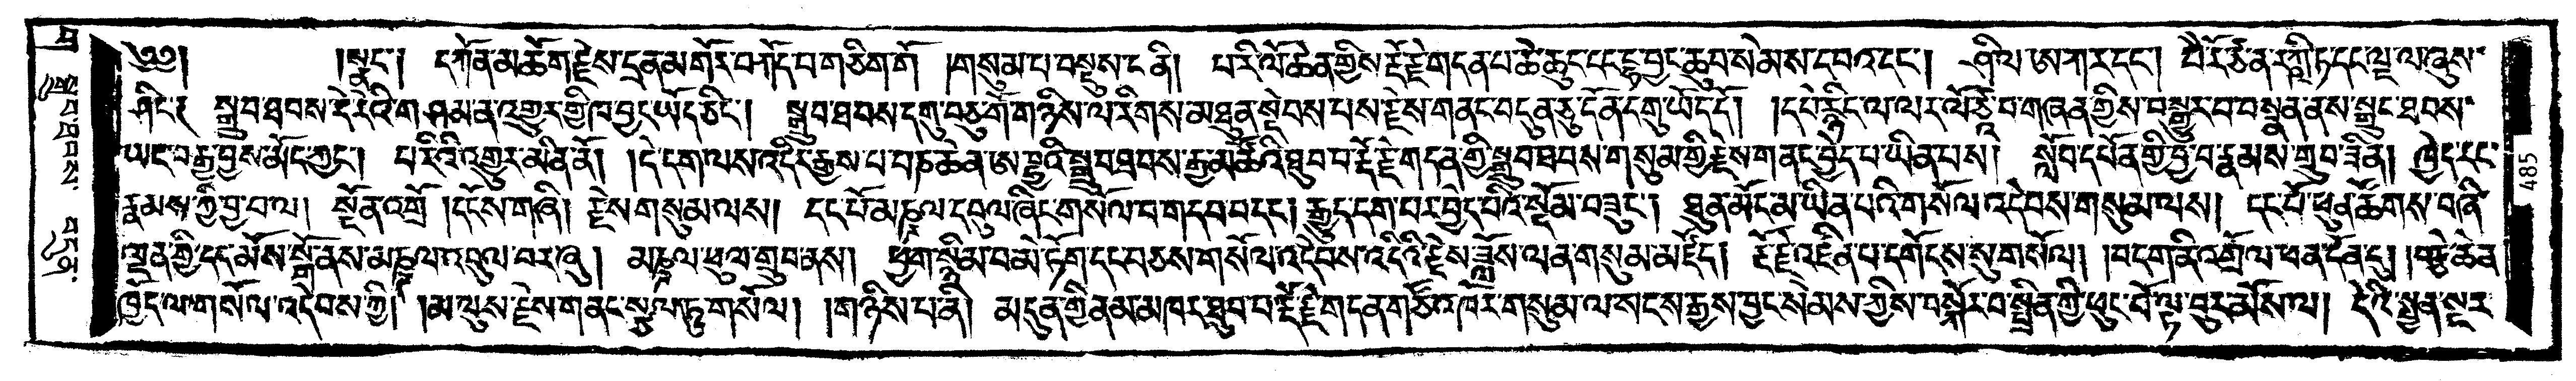༄༅། །སྣང༑ དཀོན་མཆོག་རྗེས་དྲན་མགོར་བཀོད་པ་གཅིག་གོ །གསུམ་པ་བསྡུས་པ་ནི། པ་རི་ལོ་ཆེན་གྱིས་རྡོ་རྗེ་གདན་པ་ཆེ་ཆུང་དང་དྷ་བྱང་ཆུབ་སེམས་དཔའ་དང་། ཤི་ལ་ཨ་ཀ་ར་དང་། བཻ་རོ་ཙ་ན་རཀྵི་ཏ་དང་ལྔ་ལ་ཞུས་
ཤིང༑ སྒྲུབ་ཐབས་དེ་རེའི་གཤམ་ན་འགྱུར་གྱི་ཁ་བྱང་ཡོད་ཅིང་། སྒྲུབ་ཐབས་དགུ་བཅུ་གོ་གཉིས་ལ་རིགས་མཐུན་སྡེབས་པས་རྗེས་གནང་བདུན་ཅུ་དོན་དགུ་ཡོད་དོ། །དཔེ་རྙིང་ལ་ལར་ལོཙཱ་བ་གཞན་གྱིས་བསྒྱུར་བ་བསྣན་ནས་སྒྲུབ་ཐབས་
ཡང་བརྒྱ་བྱས་མོད་ཀྱང་། པ་རིའི་འགྱུར་མིན་ནོ། །དེ་དག་ལས་འདིར་རྒྱས་པ་པཎ་ཆེན་ཨ་བྷྱའི་སྒྲུབ་ཐབས་རྒྱ་མཚོའི་ཐུབ་བ་རྡོ་རྗེ་གདན་གྱི་སྒྲུབ་ཐབས་གསུམ་གྱི་རྗེས་གནང་བྱེད་པ་ཡིན་པས། སློབ་དཔོན་གྱི་བྱ་བ་རྣམས་གྲུབ་ཟིན། ཁྱེད་རང་
རྣམས་ཀྱི་བྱ་བ་ལ། སྔོན་འགྲོ་།དངོས་གཞི། རྗེས་གསུམ་ལས། དང་པོ་མཎྜལ་དབུལ་ཞིང་གསོལ་བ་གདབ་བ་དང་། རྒྱུད་དག་པར་བྱེད་པའི་སྡོམ་བཟུང་། ཐུན་མོང་མ་ཡིན་པའི་གསོལ་འདེབས་གསུམ་ལས། དང་པོ་ཕུན་ཚོགས་བཞི་
ལྡན་གྱི་དད་མོས་སྒོ་ནས་མཎྜལ་འབུལ་བར་ཞུ། མཎྜལ་ཕུལ་གྲུབ་ནས། ཕྱག་སྙིམ་པ་མེ་ཏོག་དང་བཅས་གསོལ་འདེབས་འདིའི་རྗེས་ཟློས་ལན་གསུམ་མཛོད། རྡོ་རྗེ་འཛིན་པ་དགོངས་སུ་གསོལ། །བདག་ནི་འགྲོ་ལ་ཕན་དོན་དུ། །བརྩེ་ཆེན་
ཁྱོད་ལ་གསོལ་འདེབས་ཀྱི། །མ་ལུས་རྗེས་གནང་སྩལ་ཏུ་གསོལ། །གཉིས་པ་ནི། མདུན་གྱི་ནམ་མཁར་ཐུབ་པ་རྡོ་རྗེ་གདན་གཙོ་འཁོར་གསུམ་ལ་སངས་རྒྱས་བྱང་སེམས་ཀྱིས་བསྐོར་བ་སྤྲིན་གྱི་ཕུང་པོ་ལྟ་བུར་མོས་ལ། དེའི་སྤྱན་སྔར་